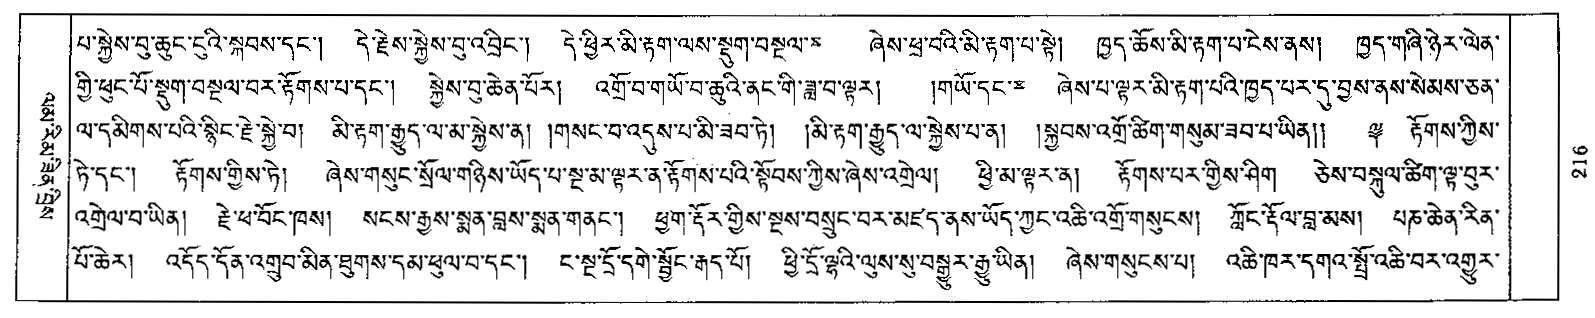པ་སྐྱེས་བུ་ཆུང་ངུའི་སྐབས་དང་། དེ་རྗེས་སྐྱེས་བུ་འབྲིང་། དེ་ཕྱིར་མི་རྟག་ལས་སྡུག་བསྔལ་ཞེས་ཕྲ་བའི་མི་རྟག་པ་སྟེ། ཁྱད་ཆོས་མི་རྟག་པ་ངེས་ནས། ཁྱད་གཞི་ཉེར་ལེན་
གྱི་ཕུང་པོ་སྡུག་བསྔལ་བར་རྟོགས་པ་དང་། སྐྱེས་བུ་ཆེན་པོར། འགྲོ་བ་གཡོ་བ་ཆུའི་ནང་གི་ཟླ་བ་ལྟར། །གཡོ་དང་ཞེས་པ་ལྟར་མི་རྟག་པའི་ཁྱད་པར་དུ་བྱས་ནས་སེམས་ཅན་
ལ་དམིགས་པའི་སྙིང་རྗེ་སྐྱེ་བ། མི་རྟག་རྒྱུད་ལ་མ་སྐྱེས་ན། །གསང་བ་འདུས་པ་མི་ཟབ་ཏེ། །མི་རྟག་རྒྱུད་ལ་སྐྱེས་པ་ན། །སྐྱབས་འགྲོ་ཚིག་གསུམ་ཟབ་བ་ཡིན།། ༈ རྟོགས་ཀྱིས་
ཏེ་དང་། རྟོགས་གྱིས་ཏེ། ཞེས་གསུང་སྲོལ་གཉིས་ཡོད་པ་སྔ་མ་ལྟར་ན་རྟོགས་པའི་སྟོབས་ཀྱིས་ཞེས་འགྲེལ། ཕྱི་མ་ལྟར་ན། རྟོགས་པར་གྱིས་ཤིག་ཅེས་བསྐུལ་ཚིག་ལྟ་བུར་
འགྲེལ་བ་ཡིན། རྗེ་ཕ་བོང་ཁས། སངས་རྒྱས་སྨན་བླས་སྨན་གནང་། ཕྱག་རྡོར་གྱིས་སྔས་བསྲུང་བར་མཛད་ནས་ཡོད་ཀྱང་འཆི་འགྲོ་གསུངས། ཀློང་རྡོལ་བླ་མས། པཎ་ཆེན་རིན་
པོ་ཆེར། འདོད་དོན་འགྲུབ་མིན་ཐུགས་དམ་ཕུལ་བ་དང་། ང་སྔ་དྲོ་དགེ་སྦྱོང་རྒད་པོ། ཕྱི་དྲོ་ལྷའི་ལུས་སུ་བསྒྱུར་རྒྱུ་ཡིན། ཞེས་གསུངས་པ། འཆི་ཁར་དགའ་སྤྲོ་འཆི་བར་འགྱུར་